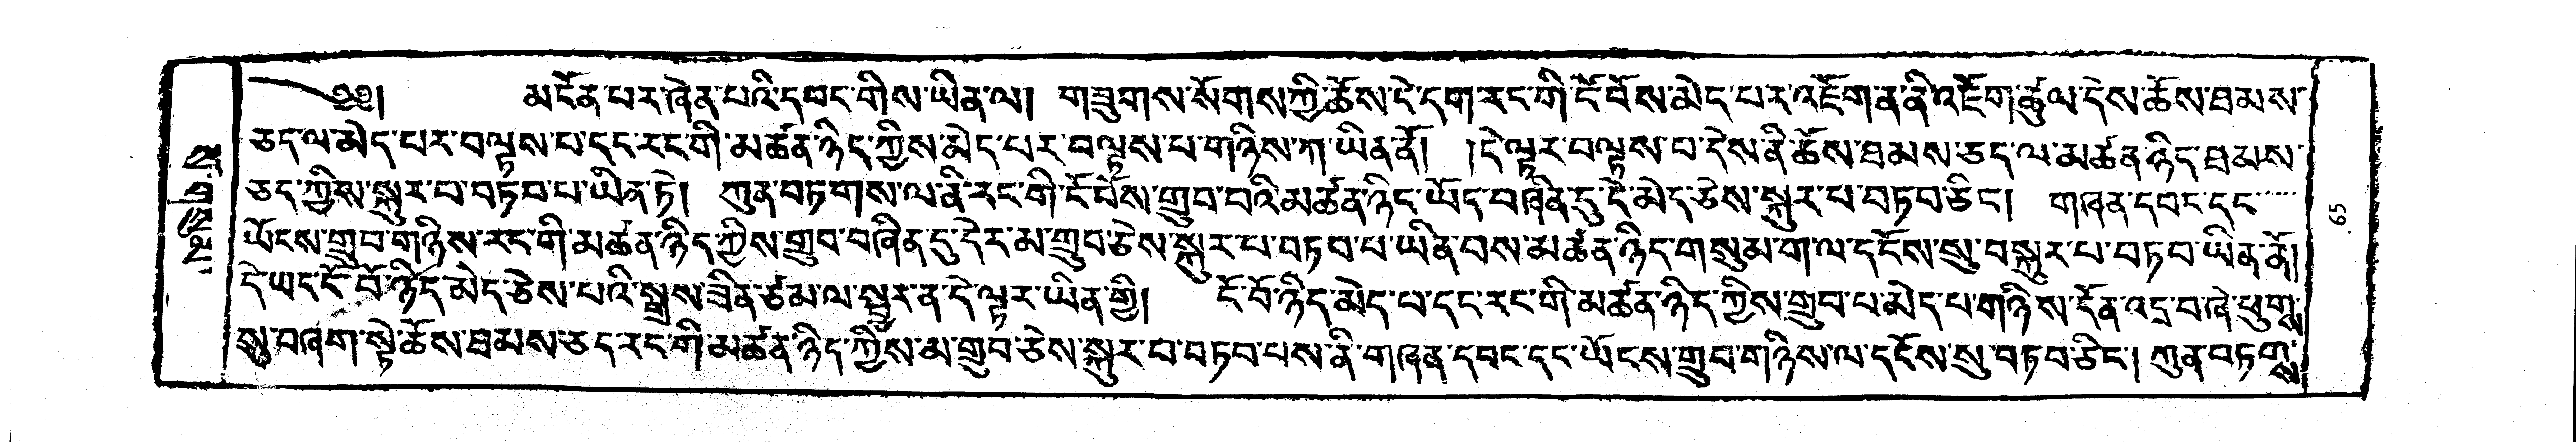༄༅། །མངོན་པར་ཞེན་པའི་དབང་གིས་ཡིན་ལ། གཟུགས་སོགས་ཀྱི་ཆོས་དེ་དག་རང་གི་ངོ་བོས་མེད་པར་འཇོག་ན་ནི་འཇོག་ཚུལ་དེས་ཆོས་ཐམས་
ཅད་ལ་མེད་པར་བལྟས་པ་དང་རང་གི་མཚན་ཉིད་ཀྱིས་མེད་པར་བལྟས་པ་གཉིས་ཀ་ཡིན་ནོ། །དེ་ལྟར་བལྟས་པ་དེས་ནི་ཆོས་ཐམས་ཅད་ལ་མཚན་ཉིད་ཐམས་
ཅད་ཀྱིས་སྐུར་བ་བཏབ་པ་ཡིན་ཏེ། ཀུན་བཏགས་ལ་ནི་རང་གི་ངོ་བོས་གྲུབ་པའི་མཚན་ཉིད་ཡོད་བཞིན་དུ་དེ་མེད་ཅེས་སྐུར་བ་བཏབ་ཅིང་། གཞན་དབང་དང་
ཡོངས་གྲུབ་གཉིས་རང་གི་མཚན་ཉིད་ཀྱིས་གྲུབ་བཞིན་དུ་དེར་མ་གྲུབ་ཅེས་སྐུར་པ་བཏབ་པ་ཡིན་པས་མཚན་ཉིད་གསུམ་ག་ལ་དངོས་སུ་བསྐུར་པ་བཏབ་ཡིན་ནོ།
དེ་ཡང་ངོ་བོ་ཉིད་མེད་ཅེས་པའི་སྒྲས་ཟིན་ཙམ་ལ་སྦྱར་ན་དེ་ལྟར་ཡིན་གྱི། ངོ་བོ་ཉིད་མེད་པ་དང་རང་གི་མཚན་ཉིད་ཀྱིས་གྲུབ་པ་མེད་པ་གཉིས་དོན་འདྲ་བ་ཞེ་ཕུགས་
སུ་བཞག་སྟེ་ཆོས་ཐམས་ཅད་རང་གི་མཚན་ཉིད་ཀྱིས་མ་གྲུབ་ཅེས་སྐུར་བ་བཏབ་པས་ནི་གཞན་དབང་དང་ཡོངས་གྲུབ་གཉིས་ལ་དངོས་སུ་བཏབ་ཅིང་། ཀུན་བཏགས་